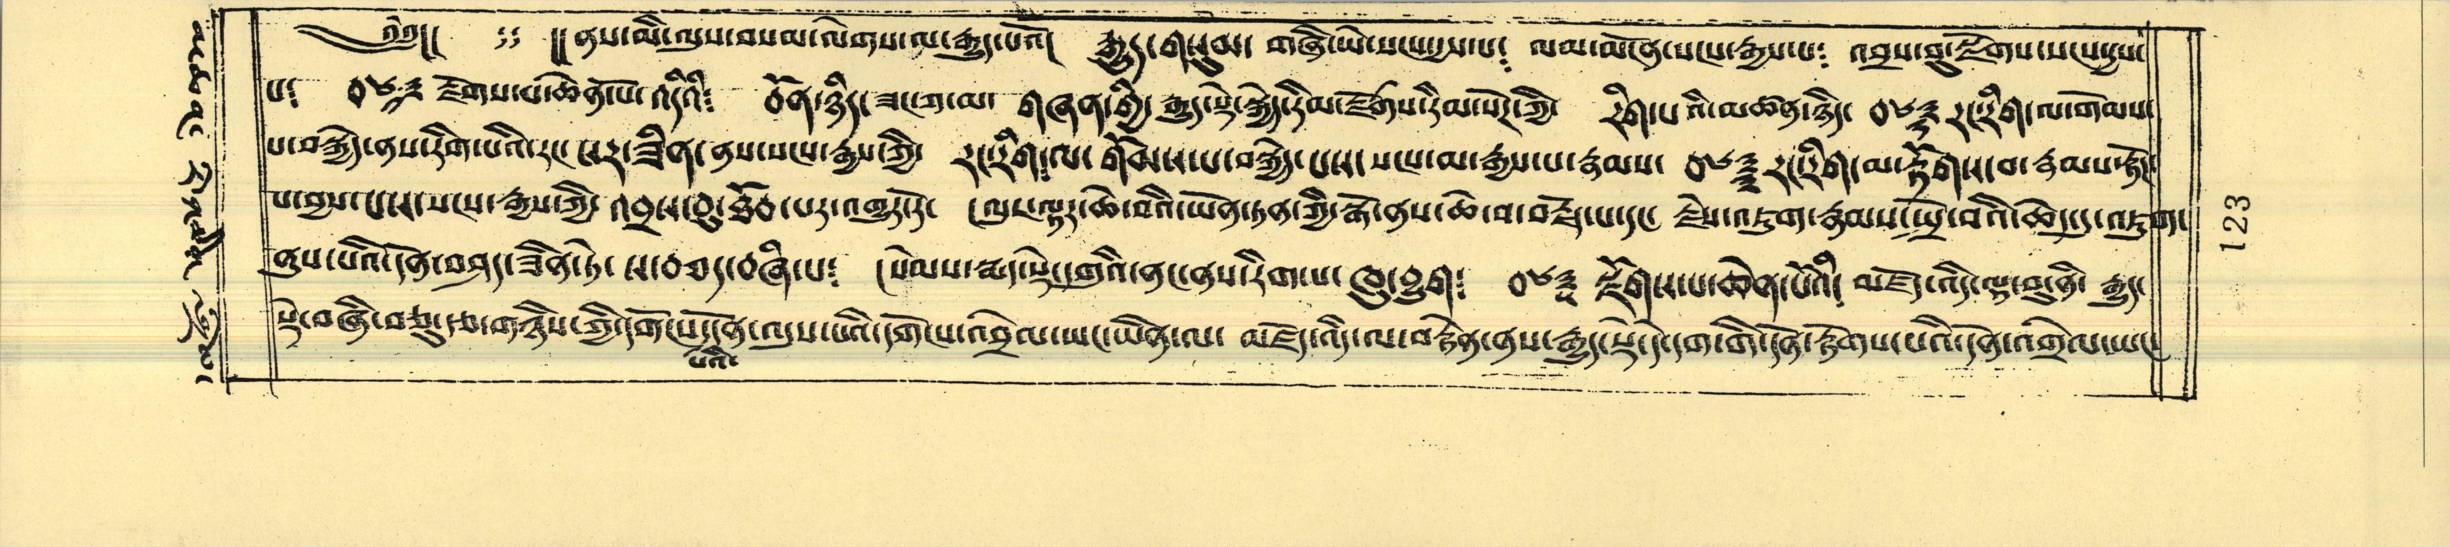ནས་མི་ལུས་བསམ་ལེགས་ལ་བརྒྱུད་པའོ།༼རྒྱུད་གསུམ༽གཞི་ཡེ་སངས་རྒྱས་པ་ལམ་མངོན་སངས་རྒྱས་པ་འབྲས་བུ་རྫོགས་སངས་རྒྱས་
པ་ བ༦༣།༡ རྫོགས་པ་ཆེན་པོ་༼འདིའི༽༼བོན་ཉིད་༽ཟང་ཀ་མ་༼གཞན་གྱི༽རྒྱུད་སྡེ་བསྐྱེད་རིམ་རྫོགས་རིམ་སོགས་ཀྱི་༼རིག༽པའི་མཚན་ཉིད་བ༦༣།༢༼རང་རིག༽ལ་གོམས་
པ་བསྐྱེད་ནས་རིག་པའི་རང་༼སར་ཟིན༽ནས་སངས་རྒྱས་ཀྱི་རང་རིག་ལ་༼གོམས་པ༽བསྐྱེད་༼པས༽སངས་མ་རྒྱས་པ་རྣམས་ལ་བ༧༣།༣༼རང་རིག༽མ་༼རྟོགས་༽པ་རྣམས་རྟོགས་
པ་བྱས་༼པས༽སངས་རྒྱས་ཀྱི་༼འབྲས་བུ་ཐོབ༽པར་འགྱུར་རོ་ལུང་ལྟར་ཆེ་བའི་ཡོན་ཏན་གྱི་སྒོ་ནས་ཆེ་བ་བརྗོད་པ་དང་། རྗེས་འཇུག་རྣམས་སྤྲོ་བའི་ཆེད་དུ་འཇུག་
ནུས་པའི་དོན་བཤད་ཟིན་ཏོ།༼ས་བཅད་བཞི་པ༽སེམས་སྨད་སྡེ་དགུའི་ནང་ནས་རིག་པ་༼ཁུ་བྱུག༽བ༦༣།༥༼རྫོགས་པ་ཆེན་པོའི༽མཛོད་འདི་ལྟ་བུ་ནི་རྒྱུད་
སྡེ་བཞི་བཅུ་རྩ་གཉིས་ཀྱི་དགོངས་པའི་དོན་འདུས་པའི་དགོངས་འགྲེལ་ཡང་ཡིན་ལ་མཛོད་འདི་ལ་བརྟེན་རྒྱུད་སྡེ་དེ་དག་གི་དོན་རྟོགས་པའི་དོན་འགྲེལ་ཡང་